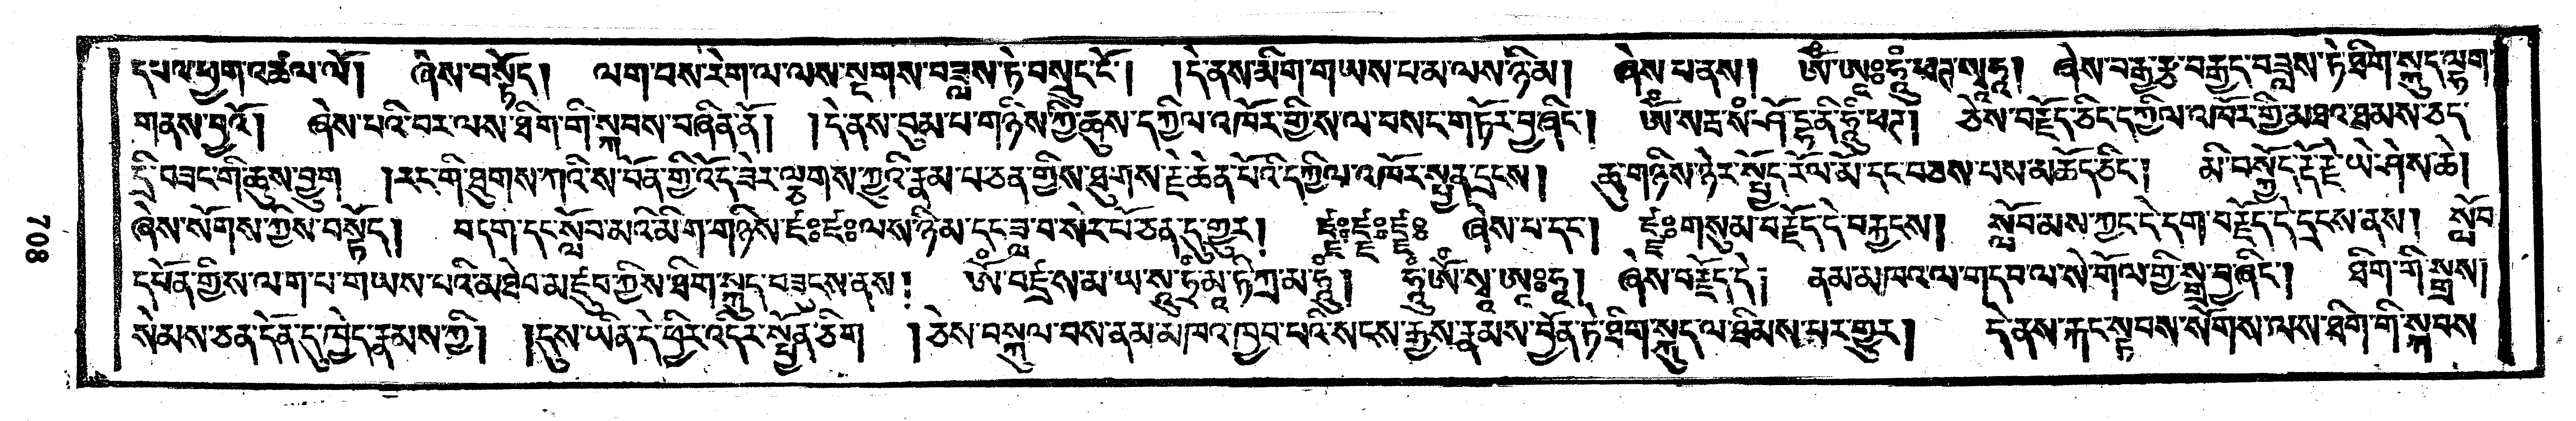དཔལ་ཕྱག་འཚལ་ལོ། ཞེས་བསྟོད། ལག་བས་རེག་ལ་ལས་སྔགས་བཟླས་ཏེ་བསྲུང་ངོ། །དེ་ནས་མིག་གཡས་པ་མ་ལས་ཉི་མ། ཞེས་པ་ནས། ཨོཾ་ཨཱཿཧཱུཾ་ཕཊ་སྭཱཧཱ། ཞེས་བརྒྱ་རྩ་བརྒྱད་བཟླས་ཏེ་ཐིག་སྐུད་ལྷག་
གནས་བྱའོ། ཞེས་པའི་བར་ལས་ཐིག་གི་སྐབས་བཞིན་ནོ། །དེ་ནས་བུམ་པ་གཉིས་ཀྱི་ཆུས་དཀྱིལ་འཁོར་གྱི་ས་ལ་བསང་གཏོར་བྱ་ཞིང་། ཨོཾ་སརྦ་སཾ་ཤོ་དྷ་ནི་ཧཱུཾ་ཕཊ། ཅེས་བརྗོད་ཅིང་དཀྱིལ་འཁོར་གྱི་མཐའ་ཐམས་ཅད་
དྲི་བཟང་གི་ཆུས་བྱུག །རང་གི་ཐུགས་ཀའི་ས་བོན་གྱི་འོད་ཟེར་ལྕགས་ཀྱུའི་རྣམ་པ་ཅན་གྱིས་ཐུགས་རྗེ་ཆེན་པོའི་དཀྱིལ་འཁོར་སྤྱན་དྲངས། ཆུ་གཉིས་ཉེར་སྤྱོད་རོལ་མོ་དང་བཅས་པས་མཆོད་ཅིང་། མི་བསྐྱོད་རྡོ་རྗེ་ཡེ་ཤེས་ཆེ།
ཞེས་སོགས་ཀྱིས་བསྟོད། བདག་དང་སློབ་མའི་མིག་གཉིས་ཛཿ ཛཿ ལས་ཉི་མ་དང་ཟླ་བ་སེར་པོ་ཅན་དུ་གྱུར། ཛྫཿ ཛྫཿ ཛྫཿ ཞེས་པ་དང་། ཛྫཿ གསུམ་བརྗོད་དེ་བརྐྱངས། སློབ་མས་ཀྱང་དེ་དག་བརྗོད་དེ་དྲངས་ནས། སློབ་
དཔོན་གྱིས་ལག་པ་གཡས་པའི་མཐེབ་མཛུབ་ཀྱིས་ཐིག་སྐུད་བཟུངས་ནས། ཨོཾ་བཛྲ་ས་མ་ཡ་སཱུ་ཏྲཾ་མཱ་ཏི་ཀྲ་མ་ཧཱུཾ། ཧཱུཾ་ཨོཾ་སྭཱ་ཨཱཿཧཱ། ཞེས་བརྗོད་དེ། ནམ་མཁའ་ལ་གདབ་ལ་སེ་གོལ་གྱི་སྒྲ་བྱ་ཞིང་། ཐིག་གི་སྒྲས།
སེམས་ཅན་དོན་དུ་ཁྱེད་རྣམས་ཀྱི། །དུས་ཡིན་དེ་ཕྱིར་འདིར་སྤྱོན་ཅིག །ཅེས་བསྐུལ་བས་ནམ་མཁའ་ཁྱབ་པའི་སངས་རྒྱས་རྣམས་བྱོན་ཏེ་ཐིག་སྐུད་ལ་ཐིམས་པར་གྱུར། དེ་ནས་རྐང་སྟབས་སོགས་ལས་ཐིག་གི་སྐབས་